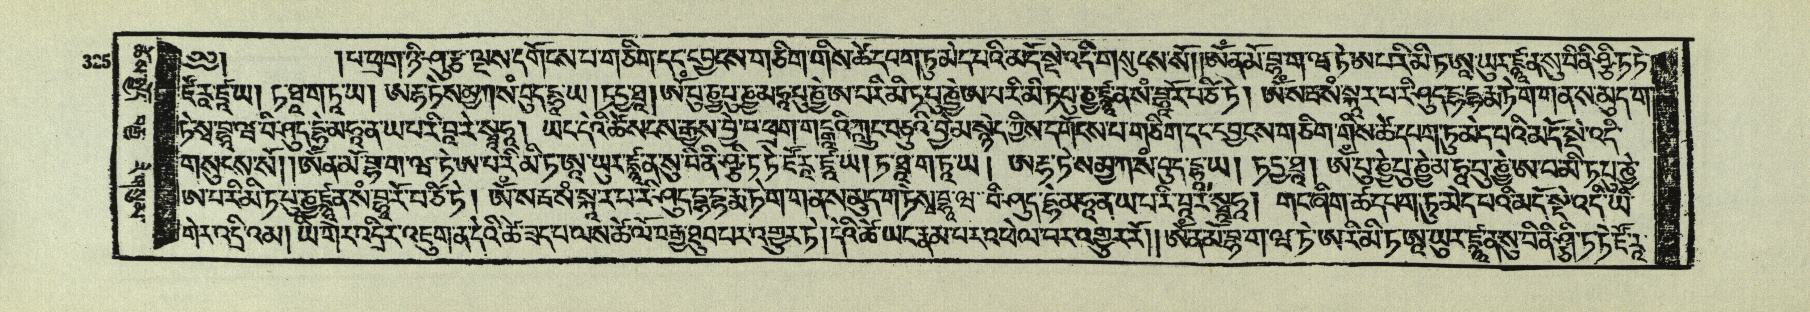༄༅། །པ་ཕྲག་ཉི་ཤུ་རྩ་ལྔས་དགོངས་པ་གཅིག་དང་དབྱངས་གཅིག་གིས་ཚེ་དཔག་ཏུ་མེད་པའི་མདོ་སྡེ་འདི་གསུངས་སོ། །ཨོཾ་ན་མོ་བྷ་ག་ཝ་ཏེ་ཨ་པ་རི་མི་ཏ་ཨཱ་ཡུར་ཛྙཱ་ན་སུ་བི་ནི་ཤྩི་ཏ་ཏེ་
ཛོ་རཱ་ཛཱ་ཡ། ཏ་ཐཱ་ག་ཏཱ་ཡ། ཨརྷ་ཏེ་སམྱཀ་སཾ་བུད་དྷཱ་ཡ། ཏདྱ་ཐཱ། ཨོཾ་པུ་ཎྱ་མཧཱ་པུ་ཎྱེ་ཨ་པ་རི་མི་ཏ་པུ་ཎྱེ་ཨ་པ་རི་མི་ཏ་པུ་ཎྱ་ཛྙཱ་ན་སཾ་བྷཱ་རོ་པ་ཙི་ཏེ། ཨོཾ་སརྦ་སཾ་སྐཱ་ར་པ་རི་ཤུད་དྷ་དྷརྨ་ཏེ་ག་ག་ན་ས་མུད་ག་
ཏེ་སྭ་བྷཱ་ཝ་བི་ཤུད་དྷེ་མཧཱ་ན་ཡ་པ་རི་བཱ་རེ་སྭཱཧཱ། ཡང་དེའི་ཚེ་སངས་རྒྱས་བྱེ་བ་ཕྲག་གངྒཱའི་ཀླུང་བཅུའི་བྱེ་མ་སྙེད་ཀྱིས་དགོངས་པ་གཅིག་དང་དབྱངས་གཅིག་གིས་ཚེ་དཔག་ཏུ་མེད་པའི་མདོ་སྡེ་འདི་
གསུངས་སོ། །ཨོཾ་ན་མོ་བྷ་ག་ཝ་ཏེ་ཨ་པ་རི་མི་ཏ་ཨཱ་ཡུར་ཛྙཱ་ན་སུ་བི་ནི་ཤྩི་ཏ་ཏེ་ཛོ་རཱ་ཛཱ་ཡ། ཏ་ཐཱ་ག་ཏཱ་ཡ། ཨརྷ་ཏེ་སམྱཀ་སཾ་བུད་དྷཱ་ཡ། ཏདྱ་ཐཱ། ཨོཾ་པུ་ཎྱེ་པུ་ཎྱེ་མཧཱ་པུ་ཎྱེ་ཨ་བ་མི་ཏ་པུ་ཎྱེ་
ཨ་པ་རི་མི་ཏ་པུ་ཎྱ་ཛྙཱ་ན་སཾ་བྷཱ་རོ་པ་ཙི་ཏེ། ཨོཾ་སརྦ་སཾ་སྐཱ་ར་པ་རི་ཤུད་དྷ་དྷ་རྨ་ཏེ་ག་ག་ན་ས་མུད་ག་ཏེ་སྭ་བྷཱ་ཝ་བི་ཤུད་དྷེ་མཧཱ་ན་ཡ་པ་རི་བཱ་རེ་སྭཱ་ཧཱ། གང་ཞིག་ཚེ་དཔག་ཏུ་མེད་པའི་མདོ་སྡེ་འདི་ཡི་
གེར་འདྲི་འམ། ཡི་གེར་འདྲིར་འཇུག་ན་དེའི་ཚེ་ཟད་པ་ལས་ཚེ་ལོ་བརྒྱ་ཐུབ་པར་འགྱུར་ཏེ། དེའི་ཚེ་ཡང་རྣམ་པར་འཕེལ་བར་འགྱུར་རོ། །ཨོཾ་ན་མོ་བྷ་ག་ཝ་ཏེ་ཨ་རི་མི་ཏ་ཨཱ་ཡུར་ཛྙཱ་ན་སུ་བི་ནི་ཤྩི་ཏ་ཏེ་ཛོ་རཱ་